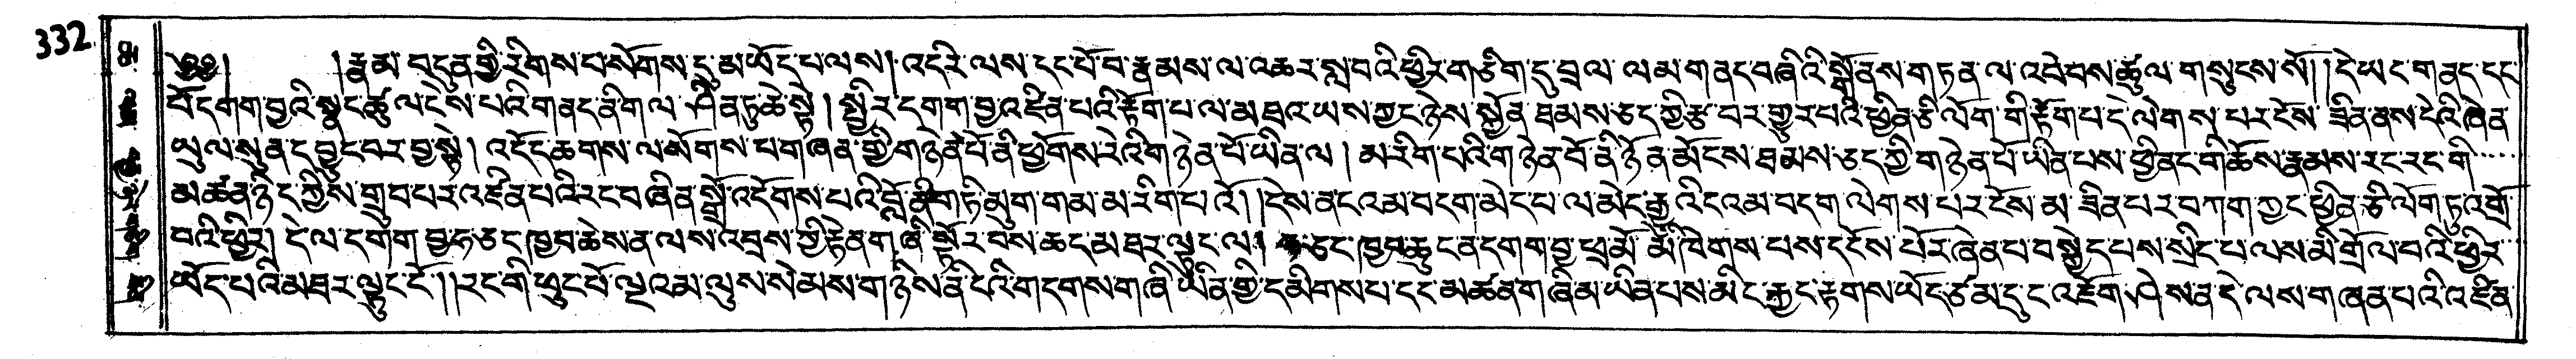༄༅། །རྣམ་བདུན་གྱི་རིགས་པ་སོགས་དུ་མ་ཡོད་པ་ལས། འདིར་ལས་དང་པོ་བ་རྣམས་ལ་འཆར་སླ་བའི་ཕྱིར་གཅིག་དུ་བྲལ་ལམ་གནད་བཞིའི་སྒོ་ནས་གཏན་ལ་འབེབས་ཚུལ་གསུངས་སོ། །དེ་ཡང་གནད་དང་
པོ་དགག་བྱའི་སྣང་ཚུལ་ངེས་པའི་གནད་ནི་གལ་ཤིན་ཏུ་ཆེ་སྟེ། སྤྱིར་དགག་བྱ་འཛིན་པའི་རྟོག་པ་ལ་མཐའ་ཡས་ཀྱང་ཉེས་སྐྱོན་ཐམས་ཅད་ཀྱི་རྩ་བར་གྱུར་བའི་ཕྱིན་ཅི་ལོག་གི་རྟོག་པ་དེ་ལེགས་པར་ངོས་ཟིན་ནས་དེའི་ཞེན་
ཡུལ་སུན་དབྱུང་བར་བྱ་སྟེ། འདོད་ཆགས་ལ་སོགས་པ་གཞན་གྱི་གཉེན་པོ་ནི་ཕྱོགས་རེའི་གཉེན་པོ་ཡིན་ལ། མ་རིག་པའི་གཉེན་པོ་ནི་ཉོན་མོངས་ཐམས་ཅད་ཀྱི་གཉེན་པོ་ཡིན་པས་ཕྱི་ནང་གི་ཆོས་རྣམས་རང་རང་གི་
མཚན་ཉིད་ཀྱིས་གྲུབ་པར་འཛིན་པའི་རང་བཞིན་སྒྲོ་འདོགས་པའི་བློ་ནི་གཏི་མུག་གམ་མ་རིག་པའོ། །དེས་ན་ངའམ་བདག་མེད་པ་ལ་མེད་རྒྱུའི་ངའམ་བདག་ལེགས་པར་ངོས་མ་ཟིན་པར་བཀག་ཀྱང་ཕྱིན་ཅི་ལོག་ཏུ་འགྲོ་
བའི་ཕྱིར། དེ་ལ་དགག་བྱ་ཧ་ཅང་ཁྱབ་ཆེས་ན་ལས་འབྲས་ཀྱི་རྟེན་གཞི་སྟོར་བས་ཆད་མཐར་ལྟུང་ལ། ཧ་ཅང་ཁྱབ་ཆུང་ན་དགག་བྱ་ཕྲ་མོ་མི་ཁེགས་པས་དངོས་པོར་ཞེན་པ་བསྐྱེད་པས་སྲིང་པ་ལས་མི་གྲོལ་བའི་ཕྱིར་
ཡོད་པའི་མཐར་ལྟུང་ངོ། །རང་གི་ཕུང་པོ་ལྔའམ་ལུས་སེམས་གཉིས་ནི་ངའི་གདགས་གཞི་ཡིན་གྱི་དམིགས་པ་དང་མཚན་གཞི་མ་ཡིན་པས་མིང་རྐྱང་རྟགས་ཡོད་ཙམ་དུ་ང་འཇོག་ཤེས་ན་དེ་ལས་གཞན་པའི་འཛིན་